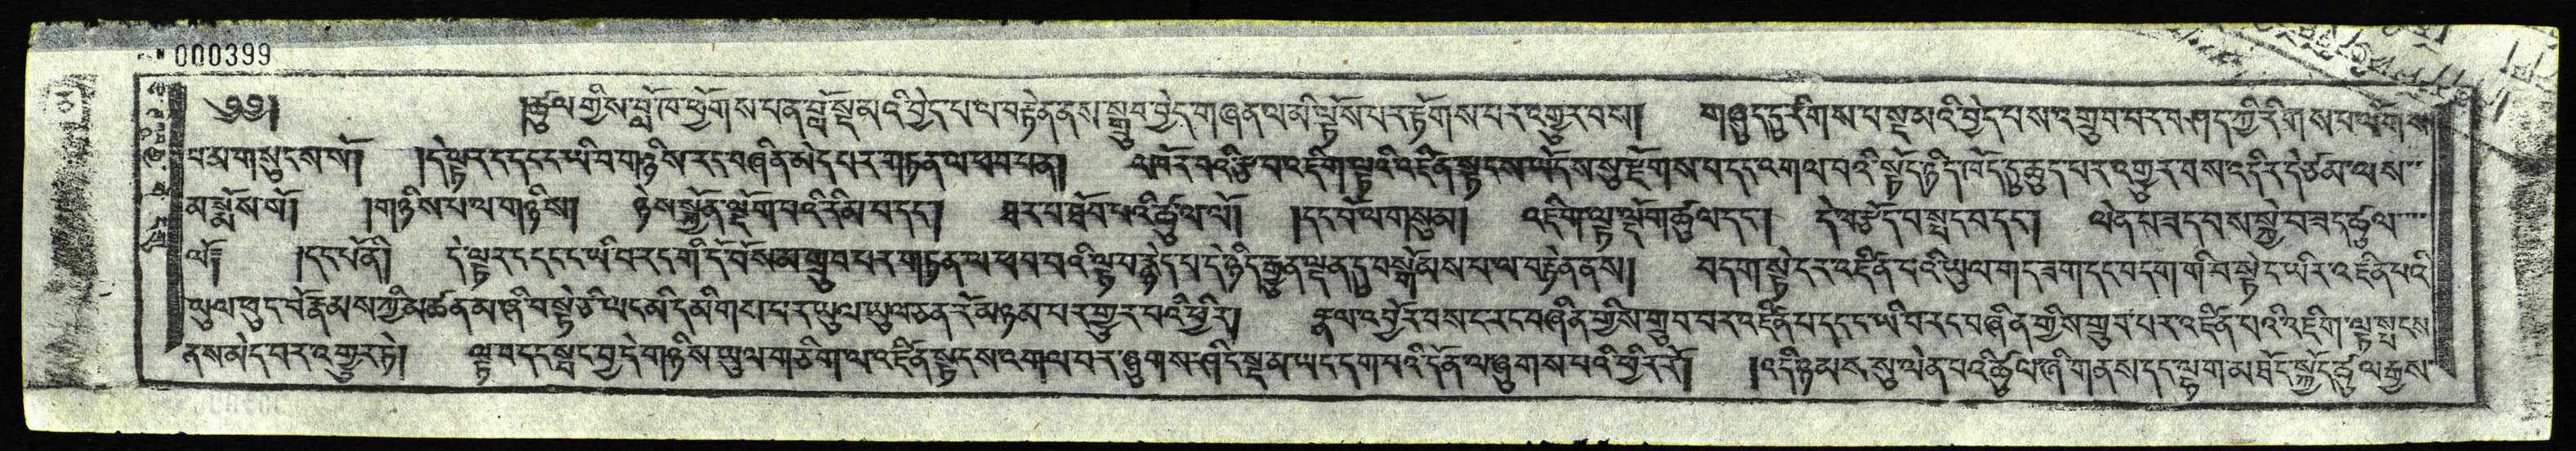༄༅། །ཚུལ་གྱིས་བློ་ཁ་ཕྱོགས་པ་ན་བློ་སྔ་མའི་བྱེད་པ་ལ་བརྟེན་ནས་སྒྲུབ་བྱེད་གཞན་ལ་མི་ལྟོས་པར་རྟོགས་པར་འགྱུར་བ་ལ། གཞུང་དུ་རིགས་པ་སྔ་མའི་བྱེད་པས་འགྲུབ་བར་བཤད་ཀྱི་རིགས་པ་ལོགས་
པ་མ་གསུངས་སོ། །དེ་ལྟར་ང་དང་ང་ཡི་བ་གཉིས་རང་བཞིན་མེད་པར་བསྟན་ལ་ཕབ་པ་ན། འཁོར་བའི་རྩ་བ་འཇིག་ལྟའི་འཛིན་སྟངས་ཡོངས་སུ་རྫོགས་པ་དང་འགལ་བའི་སྟོང་ཉིད་ཁོང་དུ་ཆུད་པར་འགྱུར་བས་འདིར་དེ་ཙམ་ལས་
མ་སྨོས་སོ། །གཉིས་པ་ལ་གཉིས། ཉེས་སྐྱོན་ལྡོག་པའི་རིམ་པ་དང་། ཐར་པ་ཐོབ་པའི་ཚུལ་ལོ། །དང་པོ་ལ་གསུམ། འཇིག་ལྟ་ལྡོག་ཚུལ་དང་། དེ་ལ་རྩོད་པ་སྤང་བ་དང་། ལེན་བ་ཟད་པས་སྐྱེ་བཟང་ཚུལ་
ལོ༑ །དང་པོ་ནི། དེ་ལྟར་ང་དང་ང་ཡི་བ་རང་གི་ངོ་བོས་མ་གྲུབ་པར་གཏན་ལ་ཕབ་པའི་ལྟ་བ་རྙེད་པ་དེ་ཉིད་རྒྱུན་ལྡན་དུ་བསྒོམས་པ་ལ་བརྟེན་ནས། བདག་སྟེ་ངར་འཛིན་པའི་ཡུལ་གང་ཟག་དང་བདག་གི་བ་སྟེ་ང་ཡར་འཛིན་པའི་
ཡུལ་ཕུང་པོ་རྣམས་ཀྱི་མཚན་མ་ཞི་བ་སྟེ་ཅི་ཡང་མི་དམིགས་པར་ཡུལ་ཡུལ་ཅན་རོ་མཉམ་པར་གྱུར་པའི་ཕྱིར། རྣལ་འབྱོར་བས་ང་རང་བཞིན་གྱིས་གྲུབ་པར་འཛིན་པ་དང་ང་ཡི་བ་རང་བཞིན་གྱིས་གྲུབ་པར་འཛིན་པའི་འཇིག་ལྟ་སྤངས་
ནས་མེད་པར་འགྱུར་ཏེ། ལྟ་བ་དང་སྤང་བྱ་དེ་གཉིས་ཡུལ་གཅིག་ལ་འཛིན་སྟངས་འགལ་བར་ཞུགས་ཤིང་སྔ་མ་ཡང་དག་པའི་དོན་ལ་ཞུགས་པའི་ཕྱིར་རོ། །འདི་ཉམས་སུ་ལེན་པའི་ཚུལ་ཞི་གནས་དང་ལྷག་མཐོང་སྐྱོང་ཚུལ་རྒྱས་